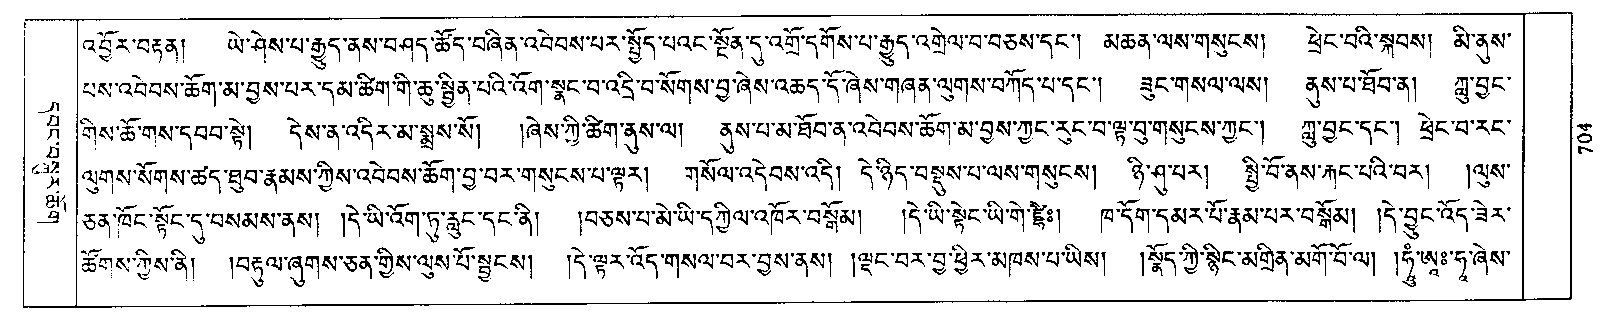འབྱོར་བརྟན། ཡེ་ཤེས་པ་རྒྱུད་ནས་བཤད་ཚོད་བཞིན་འབེབས་པར་སྤྱོད་པའང་སྔོན་དུ་འགྲོ་དགོས་པ་རྒྱུད་འགྲེལ་བ་བཅས་དང་། མཆན་ལས་གསུངས། ཕྲེང་བའི་སྐབས། མི་ནུས་
པས་འབེབས་ཆོག་མ་བྱས་པར་དམ་ཚིག་གི་ཆུ་སྦྱིན་པའི་འོག་སྣང་བ་འདྲི་བ་སོགས་བྱ་ཞེས་འཆད་དོ་ཞེས་གཞན་ལུགས་བཀོད་པ་དང་། ཟུང་གསལ་ལས། ནུས་པ་ཐོབ་ན། ཀླུ་བྱང་
གིས་ཆོ་གས་དབབ་སྟེ། དེས་ན་འདིར་མ་སྨྲས་སོ། །ཞེས་ཀྱི་ཚིག་ནུས་ལ། ནུས་པ་མ་ཐོབ་ན་འབེབས་ཆོག་མ་བྱས་ཀྱང་རུང་བ་ལྟ་བུ་གསུངས་ཀྱང་། ཀླུ་བྱང་དང་། ཕྲེང་བ་རང་
ལུགས་སོགས་ཚད་ཐུབ་རྣམས་ཀྱིས་འབེབས་ཆོག་བྱ་བར་གསུངས་པ་ལྟར། གསོལ་འདེབས་འདི། དེ་ཉིད་བསྡུས་པ་ལས་གསུངས། ཉི་ཤུ་པར། སྤྱི་བོ་ནས་རྐང་པའི་བར། །ལུས་
ཅན་ཁོང་སྟོང་དུ་བསམས་ནས། །དེ་ཡི་འོག་ཏུ་རླུང་དང་ནི། །བཅས་པ་མེ་ཡི་དཀྱིལ་འཁོར་བསྒོམ། །དེ་ཡི་སྟེང་ཡི་གེ་ཛྷཻཿ། ཁ་དོག་དམར་པོ་རྣམ་པར་བསྒོམ། །དེ་བྱུང་འོད་ཟེར་
ཚོགས་ཀྱིས་ནི། །བརྟུལ་ཞུགས་ཅན་གྱིས་ལུས་པོ་སྦྱངས། །དེ་ལྟར་འོད་གསལ་བར་བྱས་ནས། །ལྡང་བར་བྱ་ཕྱིར་མཁས་པ་ཡིས། །སྣོད་ཀྱི་སྙིང་མགྲིན་མགོ་བོ་ལ། །ཧཱུཾ་ཨཱཿ ཧཱ་ཞེས་